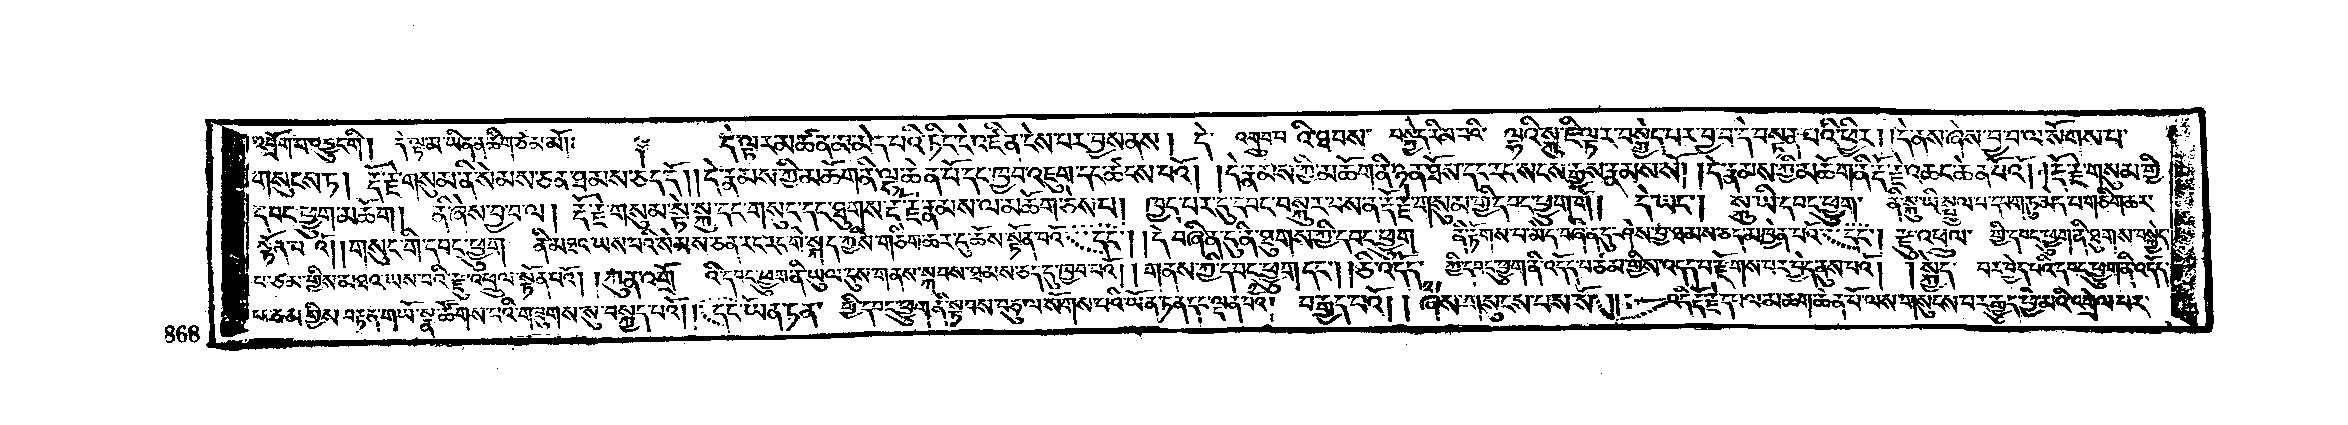འབྲོག་པ་འབྱུང་གི། དེ་ལྟ་མ་ཡིན་ན་ཚིག་ཙམ་མོ།། ༈ དེ་ལྟར་མཚན་མ་མེད་པའི་ཏིང་ངེ་འཛིན་ངེས་པར་བྱས་ནས། དེ་འགྲུབ་པའི་ཐབས་བསྐྱེད་རིམ་པའི་ལྷའི་སྐུ་ཇི་ལྟར་བསྐྱེད་པར་བྱ་བ་དེ་བསྟན་པའི་ཕྱིར། །དེ་ནས་ཞེས་བྱ་བ་ལ་སོགས་པ་
གསུངས་ཏེ། རྡོ་རྗེ་གསུམ་ནི་སེམས་ཅན་ཐམས་ཅད་དོ། །དེ་རྣམས་ཀྱི་མཆོག་ནི་ལྷ་ཆེན་པོ་དང་ཁྱབ་འཇུག་དང་ཚངས་པའོ། །དེ་རྣམས་ཀྱི་མཆོག་ནི་ཉན་ཐོས་དང་རང་སངས་རྒྱས་རྣམས་སོ། །དེ་རྣམས་ཀྱི་མཆོག་ནི་རྡོ་རྗེ་འཆང་ཆེན་པོའོ། །རྡོ་རྗེ་གསུམ་གྱི་
དབང་ཕྱུག་མཆོག། ནི་ཞེས་བྱ་བ་ལ། རྡོ་རྗེ་གསུམ་སྟེ་སྐུ་དང་གསུང་དང་ཐུགས་རྡོ་རྗེ་རྣམས་ལ་མཆོག་ཅེས་པ། ཁྱད་པར་དུ་དབང་བསྐུར་བས་ན་རྡོ་རྗེ་གསུམ་གྱི་དབང་ཕྱུག་གོ། དེ་ཡང་། སྐུ་ཡི་དབང་ཕྱུག་ནི་སྐུ་ཡི་སྤྲུལ་པ་དཔག་ཏུ་མེད་པ་གཅིག་ཆར་
སྟོན་པའོ། །གསུང་གི་དབང་ཕྱུག་ནི་མཐའ་ཡས་པའི་སེམས་ཅན་རང་རང་གི་སྐད་ཀྱིས་གཅིག་ཆར་དུ་ཆོས་སྟོན་པའོ་དང་། །དེ་བཞིན་དུ་ནི་ཐུགས་ཀྱི་དབང་ཕྱུག་ནི་རྟོགས་པ་མེད་བཞིན་དུ་ཤེས་བྱ་ཐམས་ཅད་མཁྱེན་པའོ་དང་། རྫུ་འཕྲུལ་གྱི་དབང་ཕྱུག་ནི་ཐུགས་བསྐྱེད་
པ་ཙམ་གྱིས་མཐའ་ཡས་པའི་རྫུ་འཕྲུལ་སྟོན་པའོ། །ཀུན་འགྲོའི་དབང་ཕྱུག་ནི་ཡུལ་དུ་གནས་སྐབས་ཐམས་ཅད་དུ་ཁྱབ་པའོ། །གནས་ཀྱི་དབང་ཕྱུག་དང་། །ཅི་འདོད་ཀྱི་དབང་ཕུག་ནི་འདོད་པ་ཙམ་གྱིས་འདོད་པ་རྫོགས་པར་བྱེད་ནུས་པའོ།  །སྐྱེད་པར་བྱེད་པའི་དབང་ཕྱུག་ནི་འདོད་
པ་ཙམ་གྱིས་བརྟན་གཡོ་སྣ་ཚོགས་པའི་གཟུགས་སུ་བསྐྱད་པའོ། །དང་ཡོན་ཏན་གྱི་དབང་ཕྱུག་ནི་སྟབས་བཅུ་ལ་སོགས་པའི་ཡོན་ཏན་དང་ལྡན་པའོ། བརྒྱད་པའོ། ། ༢་ཞེས་གསུངས་པས་སོ།།H.་འདི་རྡོ་རྗེ་དཔལ་མཆག་ཆེན་པོ་ལས་གསུངས་པར་རྒྱུད་ཕྱི་མའི་འགྲེལ་པར་